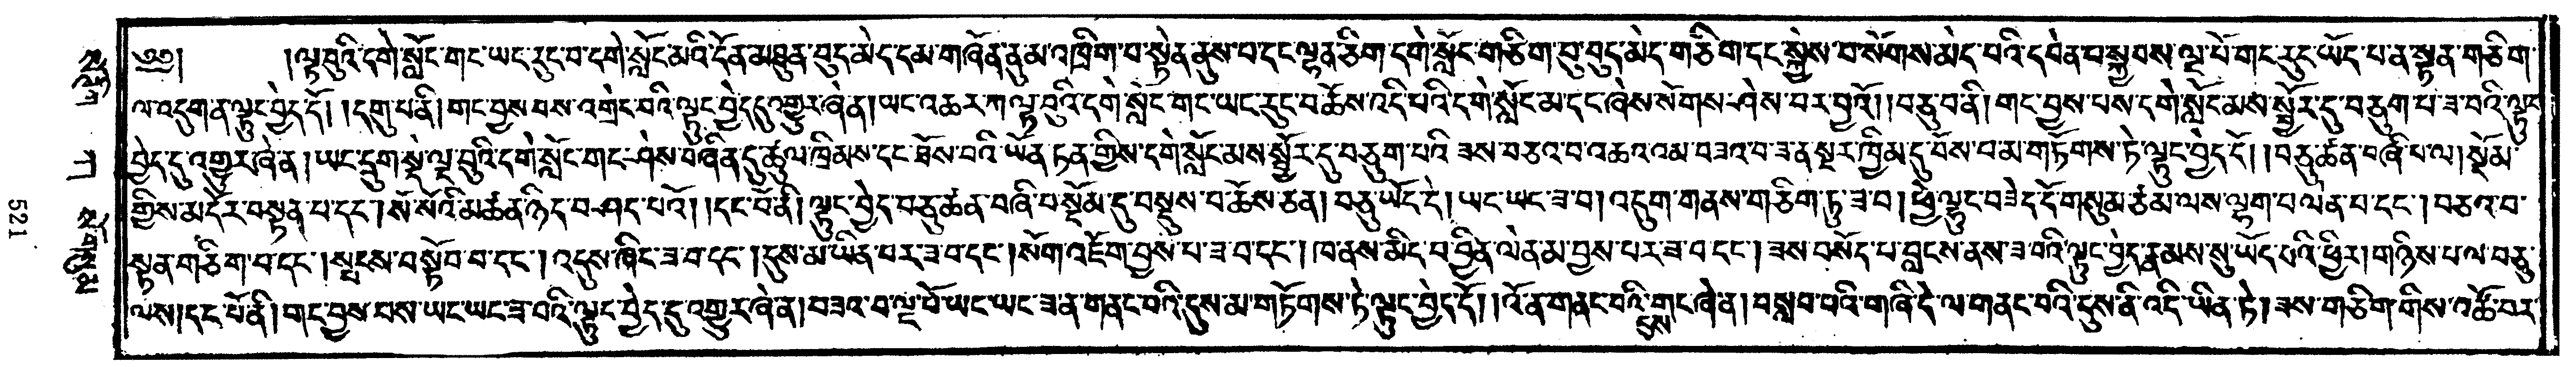༄༅། །ལྟ་བུའི་དགེ་སློང་གང་ཡང་རུང་བ་དགེ་སློང་མའི་དོན་མཐུན་བུད་མེད་དམ་གཞོན་ནུ་མ་འཁྲིག་པ་སྟེན་ནུས་པ་དང་ལྷན་ཅིག་དགེ་སློང་གཅིག་པུ་བུད་མེད་གཅིག་དང་སྐྱེས་བ་སོགས་མེད་པའི་དབེན་པ་སྐྱབས་ལྔ་པོ་གང་རུང་ཡོད་པ་ན་སྟན་གཅིག་
ལ་འདུག་ན་ལྟུང་བྱེད་དོ། །དགུ་པ་ནི། གང་བྱས་བས་འགྲེང་བའི་ལྟུང་བྱེད་དུ་འགྱུར་ཞེ་ན། ཡང་འཆར་ཀ་ལྟ་བུའི་དགེ་སློང་གང་ཡང་རུང་བ་ཆོས་འདི་པའི་དགེ་སློང་མ་དང་ཞེས་སོགས་ཤེས་པར་བྱའོ། །བཅུ་པ་ནི། གང་བྱས་པས་དགེ་སློང་མས་སྦྱོར་དུ་བཅུག་པ་ཟ་བའི་ལྟུང་
བྱེད་དུ་འགྱུར་ཞེ་ན། ཡང་དྲུག་སྡེ་ལྔ་བུའི་དགེ་སློང་གང་ཤེས་བཞིན་དུ་ཚུལ་ཁྲིམས་དང་ཐོས་བའི་ཡོན་ཏན་གྱིས་དགེ་སློང་མས་སྦྱོར་དུ་བཅུག་པའི་ཟས་བཅའ་བ་འཆའ་འམ་བཟའ་བ་ཟ་ན་སྔར་ཁྱིམ་དུ་བོས་བ་མ་གཏོགས་ཏེ་ལྟུང་བྱེད་དོ། །བཅུ་ཚན་བཞི་པ་ལ། སྔོམ་
གྱིས་མདོར་བསྟན་པ་དང་། སོ་སོའི་མཚན་ཉིད་བཤད་པའོ། །དང་བོ་ནི། ལྟུང་བྱེད་བཅུ་ཚན་བཞི་པ་སྡོམ་དུ་བསྡུས་པ་ཆོས་ཅན། བཅུ་ཡོད་དེ། ཡང་ཡང་ཟ་བ། འདུག་གནས་གཅིག་ཏུ་ཟ་བ། ཕྱེ་ལྟུང་བཟེད་དོ་གསུམ་ཙམ་ལས་ལྷག་པ་ལེན་པ་དང་། བཅའ་བ་
སྟན་གཅིག་པ་དང་། སྤངས་བསྟོབ་པ་དང་། འདུས་ཞིང་ཟ་བ་དང་། དུས་མ་ཡིན་པར་ཟ་བ་དང་། སོག་འཇོག་བྱས་པ་ཟ་བ་དང་། ཁ་ནས་མིད་བ་བྱིན་ལེན་མ་བྱས་པར་ཟ་བ་དང་། ཟས་བསོད་པ་བླངས་ནས་ཟ་བའི་ལྟུང་བྱེད་རྣམས་སུ་ཡོད་པའི་ཕྱིར། གཉིས་པ་ལ་བཅུ་
ལས། དང་པོ་ནི། གང་བྱས་བས་ཡང་ཡང་ཟ་བའི་ལྟུང་བྱེད་དུ་འགྱུར་ཞེ་ན། བཟའ་བ་ལྔ་པོ་ཡང་ཡང་ཟ་ན་གནང་བའི་དུས་མ་གཏོགས་ཏེ་ལྟུང་བྱེད་དོ། །འོ་ན་གནང་བའི་དུས་གང་ཞེ་ན། བསླབ་པའི་གཞི་དེ་ལ་གནང་བའི་དུས་ནི་འདི་ཡིན་ཏེ། ཟས་གཅིག་གིས་འཚོ་བར་